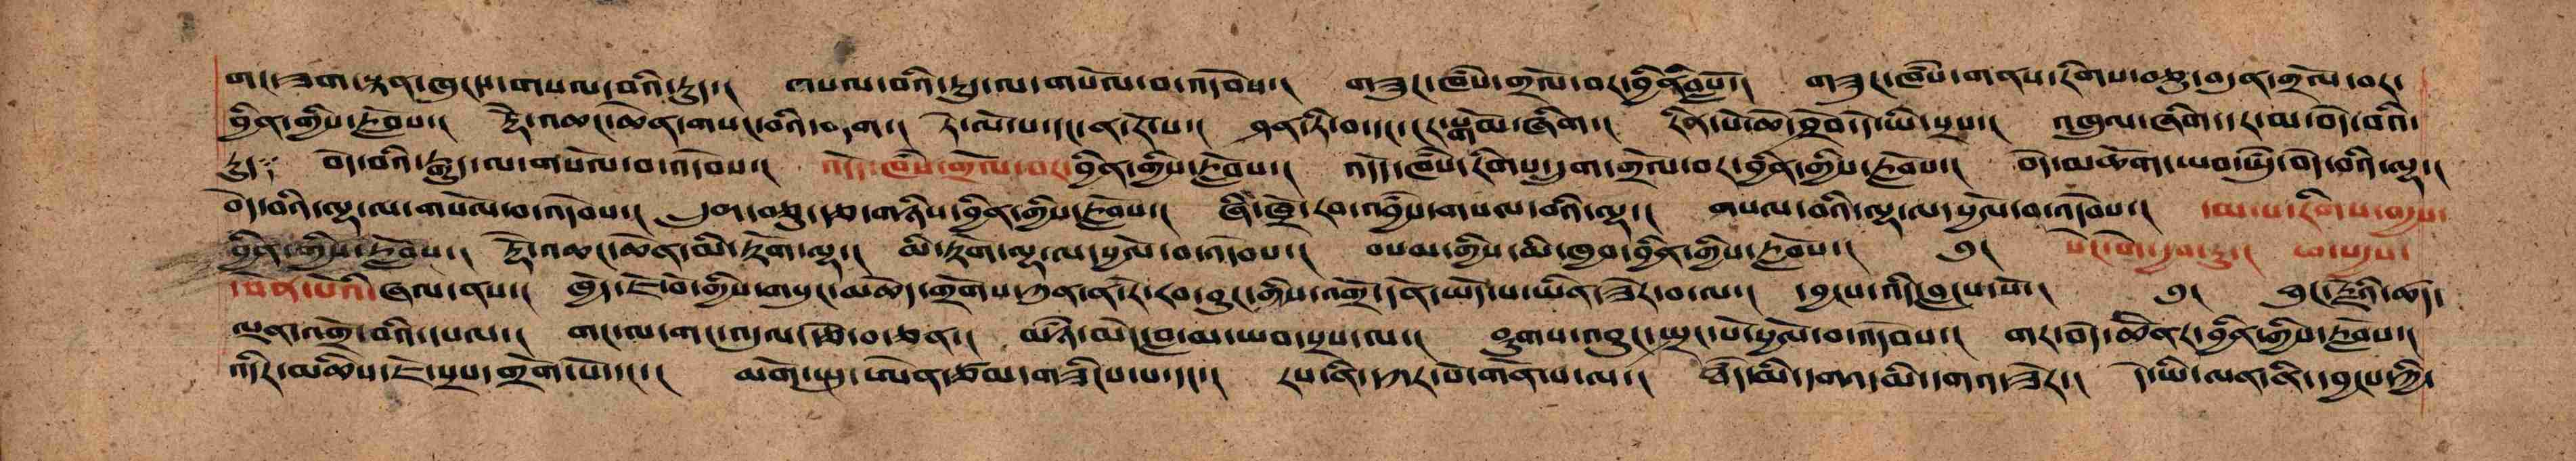གང་ཟག་སྙན་ཁུངས་གསལ་བའི་རྒྱུད།། གསལ་བའི་རྒྱུད་ལ་གསོལ་བ་འདེབས།། གཟུགས་ཁམས་གྲོལ་བར་བྱིན་གྱིས་རློབས།། གཟུགས་ཁམས་གནས་རིགས་བཅུ་བདུན་གྲོལ་བར་
བྱིན་གྱིས་རློབས།། རྡོ་རྗེ་འཆང་ཆེན་གསང་བའི་བདག།། ཏེ་ལོ་པ་དང་ན་རོ་པ།། ཤན་ཏི་བ་པ་དང་ངར་སྒོམ་ཞིག། རིན་པོ་ཆེ་ཤེས་རབ་དེ་ཡི་སྲས།། འཁྲུལ་ཞིག་དར་མ་བདེ་བའི་རྒྱུད།། བདེ་བའི་
རྒྱུད་ལ་གསོལ་བ་འདེབས།། འདོད་ཁམས་གྲོལ་བར་བྱིན་གྱིས་རློབས།། འདོད་ཁམས་རིགས་དྲུག་གྲོལ་བར་བྱིན་གྱིས་རློབས།། བདེ་མཆོག་ཡབ་ཡུམ་བདེ་བའི་ལྷ།། 
བདེ་བའི་ལྷ་ལ་གསོལ་བ་འདེབས།། དྲུག་ཅུ་རྩ་གཉིས་བྱིན་གྱིས་རློབས།། ཞི་ཁྲོ་རབ་འབྱམས་གསལ་བའི་ལྷ།། གསལ་བའི་ལྷ་ལ་གསོལ་བ་འདེབས།། དམ་པ་རིགས་བརྒྱས་
བྱིན་གྱིས་རློབས།། རྡོ་རྗེ་འཆང་ཆེན་མི་རྟོག་ལྷ།། མི་རྟོག་ལྷ་ལ་གསོལ་བ་འདེབས།། བསམ་གྱིས་མི་ཁྱབ་བྱིན་གྱིས་རློབས།། ༄་། སེང་གེ་རྒྱབ་ཏུ།། ཕ་སངས་རྒྱས་
དབོན་པོའི་ཞལ་ནས།། ཁྱོད་ཇོ་བོ་གྱིས་གསུང་མཆེད་གྲོགས་ཀུན་ན་རེ་རབ་བྱུང་གིས་འགྲོ་དོན་ཡོད་པ་ཡིན་ཟེར་བ་ལ་དབྱངས་འདི་བླངས་སོ།། ༄་། ཐུགས་རྗེའི་ཚད་
ལྡན་འགྲོ་བའི་དཔལ།། གང་ལ་གང་འདུལ་རྩེ་བ་ཅན།། མཉམ་མེད་བླ་མ་ཡབ་སྲས་ལ།། ཤུགས་འབྱུང་སྤྲང་པོ་གསོལ་བ་འདེབས།། གར་བདེ་ཆེན་པོར་བྱིན་གྱིས་རློབས།། 
འདིར་མཆིས་ཇོ་སྲས་གྲོགས་པོ་དང་།། མགོ་སྤུ་ཨེན་ཙམ་གཟིངས་པ་དང་།། རས་ནི་དཀར་པོ་གོན་པ་ལ།། ཐམས་ཅད་མི་དགའ་མི་དགའ་ཟེར།། དེ་ཡི་ལན་ནི་དབྱངས་ཀྱི་